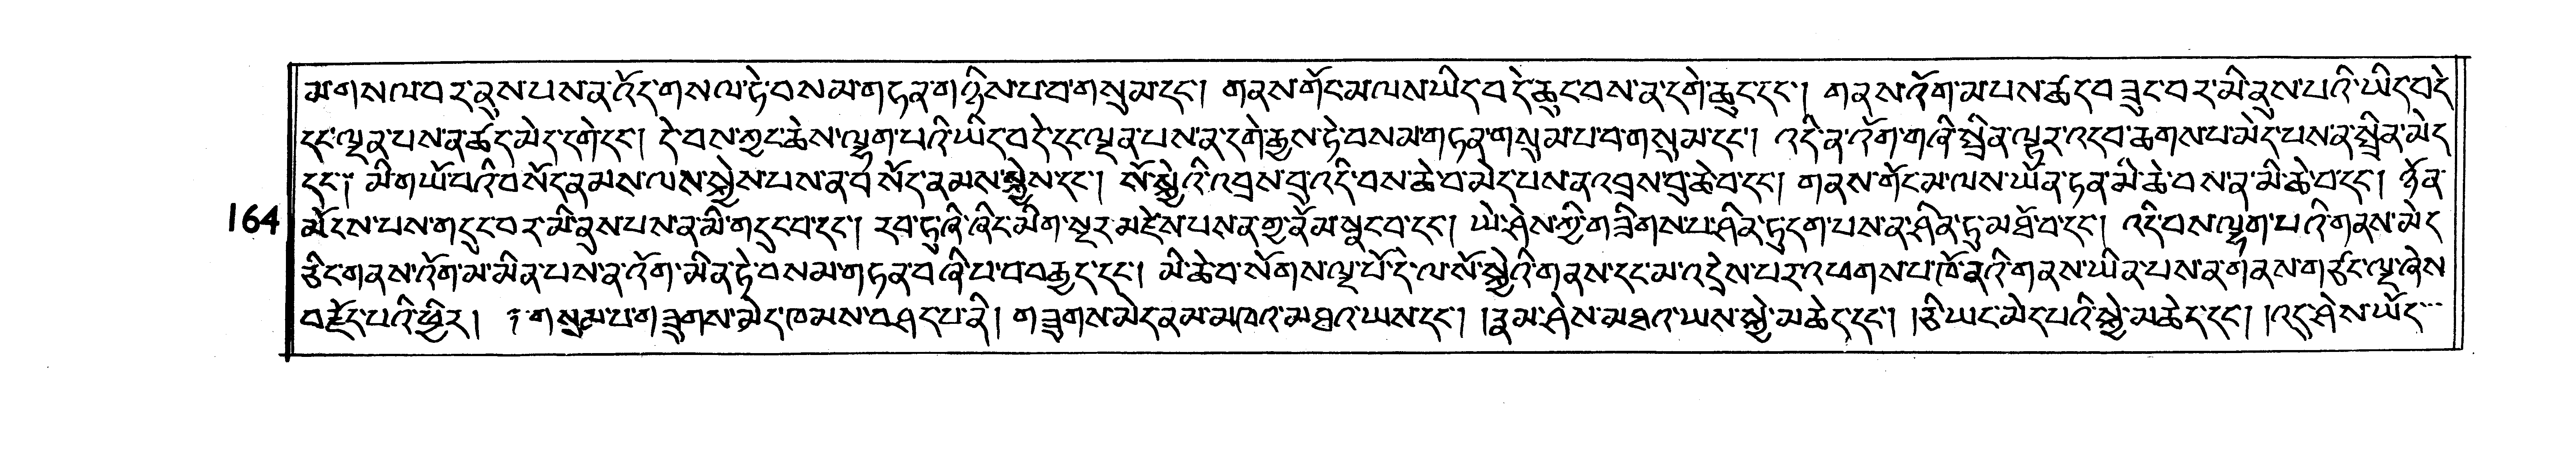མ་གསལ་བར་ནུས་པས་ན་འོད་གསལ་ཏེ་བསམ་གཏན་གཉིས་པ་བ་གསུམ་དང་། གནས་གོང་མ་ལས་ཡིད་བདེ་ཆུང་བས་ན་དགེ་ཆུང་དང་། གནས་འོག་མ་པས་ཚད་བཟུང་བར་མི་ནུས་པའི་ཡིད་བདེ་
དང་ལྡན་པས་ན་ཚད་མེད་དགེ་དང་། དེ་བས་ཀྱང་ཆེས་ལྷག་པའི་ཡིད་བདེ་དང་ལྡན་པས་ན་དགེ་རྒྱས་ཏེ་བསམ་གཏན་གསུམ་པ་བ་གསུམ་དང་། འདི་ན་འོག་གཞི་སྤྲིན་ལྟར་འདབ་ཆགས་པ་མེད་པས་ན་སྤྲིན་མེད་
དང༑ མི་གཡོ་བའི་བསོད་ནམས་ལས་སྐྱེས་པས་ན་བསོད་ནམས་སྐྱེས་དང་། སོ་སྐྱེའི་འབྲས་བུ་འདི་བས་ཆེ་བ་མེད་པས་ན་འབྲས་བུ་ཆེ་བ་དང་། གནས་གོང་མ་ལས་ཡོན་ཏན་མི་ཆེ་བས་ན་མི་ཆེ་བ་དང་། ཉོན་
མོངས་པས་གདུང་བར་མི་ནུས་པས་ན་མི་གདུང་བ་དང་། རབ་ཏུ་ཞི་ཞིང་མིག་སྔར་མཛེས་པས་ན་གྱ་ནོམ་སྣང་བ་དང་། ཡེ་ཤེས་ཀྱི་གཟིགས་པ་ཤིན་ཏུ་དག་པས་ན་ཤིན་ཏུ་མཐོ་བ་དང་། འདི་བས་ལྷག་པའི་གནས་མེད་
ཅིང་གནས་འོག་མ་མིན་པས་ན་འོག་མིན་ཏེ་བསམ་གཏན་བཞི་པ་བ་བརྒྱད་དང་། མི་ཆེ་བ་སོགས་ལྔ་པོ་དེ་ལ་སོ་སྐྱེའི་གནས་དང་མ་འདྲེས་པར་འཕགས་པ་ཁོ་ནའི་གནས་ཡིན་པས་ན་གནས་གཙང་ལྔ་ཞེས་
བརྗོད་པའི་ཕྱིར། ༈ གསུམ་པ་གཟུགས་མེད་ཁམས་བཤད་པ་ནི། གཟུགས་མེད་ནམ་མཁའ་མཐའ་ཡས་དང་། །རྣམ་ཤེས་མཐའ་ཡས་སྐྱེ་མཆེད་དང་། །ཅི་ཡང་མེད་པའི་སྐྱེ་མཆེད་དང་། །འདུ་ཤེས་ཡོད་